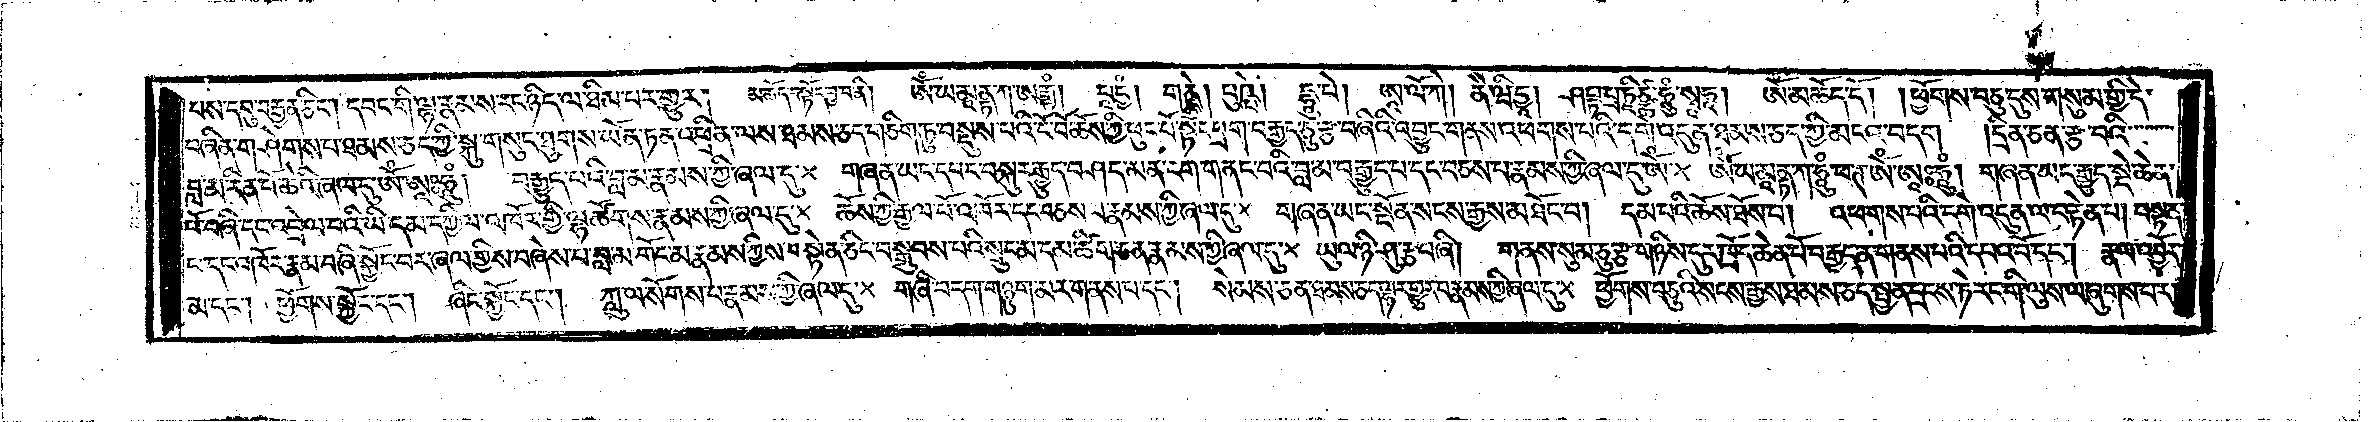པས་དབུ་བརྒྱན་ཅིང་། དབང་གི་ལྷ་རྣམས་རང་ཉིད་ལ་ཐིམ་པར་གྱུར། མཆོད་སྟོད་བྱ་བ་ནི།  ཨོཾ་ཡམཱནྟ་ཀ་ཨརྒྷཾ། པཱ་དྱཾ། གནྡེ། བུཥྤེ། དྷཱུ་པེ། ཨཱ་ལོ་ཀེ། ནཻ་ཝིདྱཱ། ཤཔྟ་པྲ་ཏཱི་ཙྪ་ཧཱུཾ་སྭཱཧཱ། ཨོཾ་མཆོད་དོ། །ཕྱོགས་བཅུ་དུས་གསུམ་གྱི་དེ་
བཞིན་གཤེགས་པ་ཐམས་ཅད་ཀྱི་སྐུ་གསུང་ཐུགས་ཡོན་ཏན་འཕྲིན་ལས་ཐམས་ཅད་གཅིག་ཏུ་བསྡུས་པའི་ངོ་བོ་ཆོས་ཀྱི་ཕུང་པོ་སྟོང་ཕྲག་བརྒྱད་ཅུ་རྩ་བཞིའི་འབྱུང་གནས་འཕགས་པའི་དགེ་འདུན་ཐམས་ཅད་ཀྱི་མངའ་བ་དང་། །དྲིན་ཅན་རྩ་བའི་
བླ་མ་རིན་པོ་ཆེའི་ཞལ་དུ་ཨོཾ་ཨཱཿཧཱུཾ། བརྒྱུད་པའི་བླ་མ་རྣམས་ཀྱི་ཞལ་དུ་྾་གཞན་ཡང་དབང་བསྐུར་རྒྱུད་བཤད་མན་ངག་གནང་བའི་བླ་མ་བརྒྱུད་པ་དང་བཅས་པ་རྣམས་ཀྱི་ཞལ་དུ་ཨོཾ་྾་ཨོཾ་ཡ་མཱནྟ་ཀ་ཧཱུཾ་ཕཌ་ཨོཾ་ཨཱཿཧཱུཾ། གཞན་ཡང་རྒྱུད་སྡེ་ཆེན་
པོ་བཞི་དང་འབྲེལ་བའི་ཡི་དམ་དཀྱིལ་འཁོར་གྱི་ལྷ་ཚོགས་རྣམས་ཀྱི་ཞལ་དུ་྾་ཆོས་ཀྱི་རྒྱལ་པོ་འཁོར་དང་བཅས་པ་རྣམས་ཀྱི་ཞལ་དུ་྾་གཞན་ཡང་སྔོན་སངས་རྒྱས་མཐོང་བ། དམ་པའི་ཆོས་ཐོས་པ། འཕགས་པའི་དགེ་འདུན་ལ་བརྟེན་པ། བསྟན་
པ་དང་འཁོར་རྣམ་བཞི་སྐྱོང་བར་ཞལ་གྱིས་བཞེས་པ་བླ་མ་གོང་མ་རྣམས་ཀྱིས་བསྟེན་ཅིང་བསྒྲུབས་པའི་སྲུང་མ་དམ་ཚིག་ཅན་རྣམས་ཀྱི་ཞལ་དུ་྾་ཡུལ་ཉི་ཤུ་རྩ་བཞི། གནས་སུམ་ཅུ་རྩ་གཉིས་དུར་ཁྲོད་ཆེན་པོ་བརྒྱད་ན་གནས་པའི་དཔའ་བོ་དང་། རྣལ་འབྱོར་
མ་དང་། ཕྱོགས་སྐྱོང་དང་། ཞིང་སྐྱོང་དང་། ཀླུ་ལ་སོགས་པ་རྣམས་ཀྱི་ཞལ་དུ་྾་གཞི་བདག་གཉུག་མར་གནས་པ་དང་། སེམས་ཅན་ཐམས་ཅད་ལྷར་གྱུར་བ་རྣམས་ཀྱི་ཞལ་དུ་྾་ཕྱོགས་བཅུའི་སངས་རྒྱས་ཐམས་ཅད་སྤྱན་དྲངས་ཏེ་རང་གི་ལུས་ལ་ཞུགས་པར་